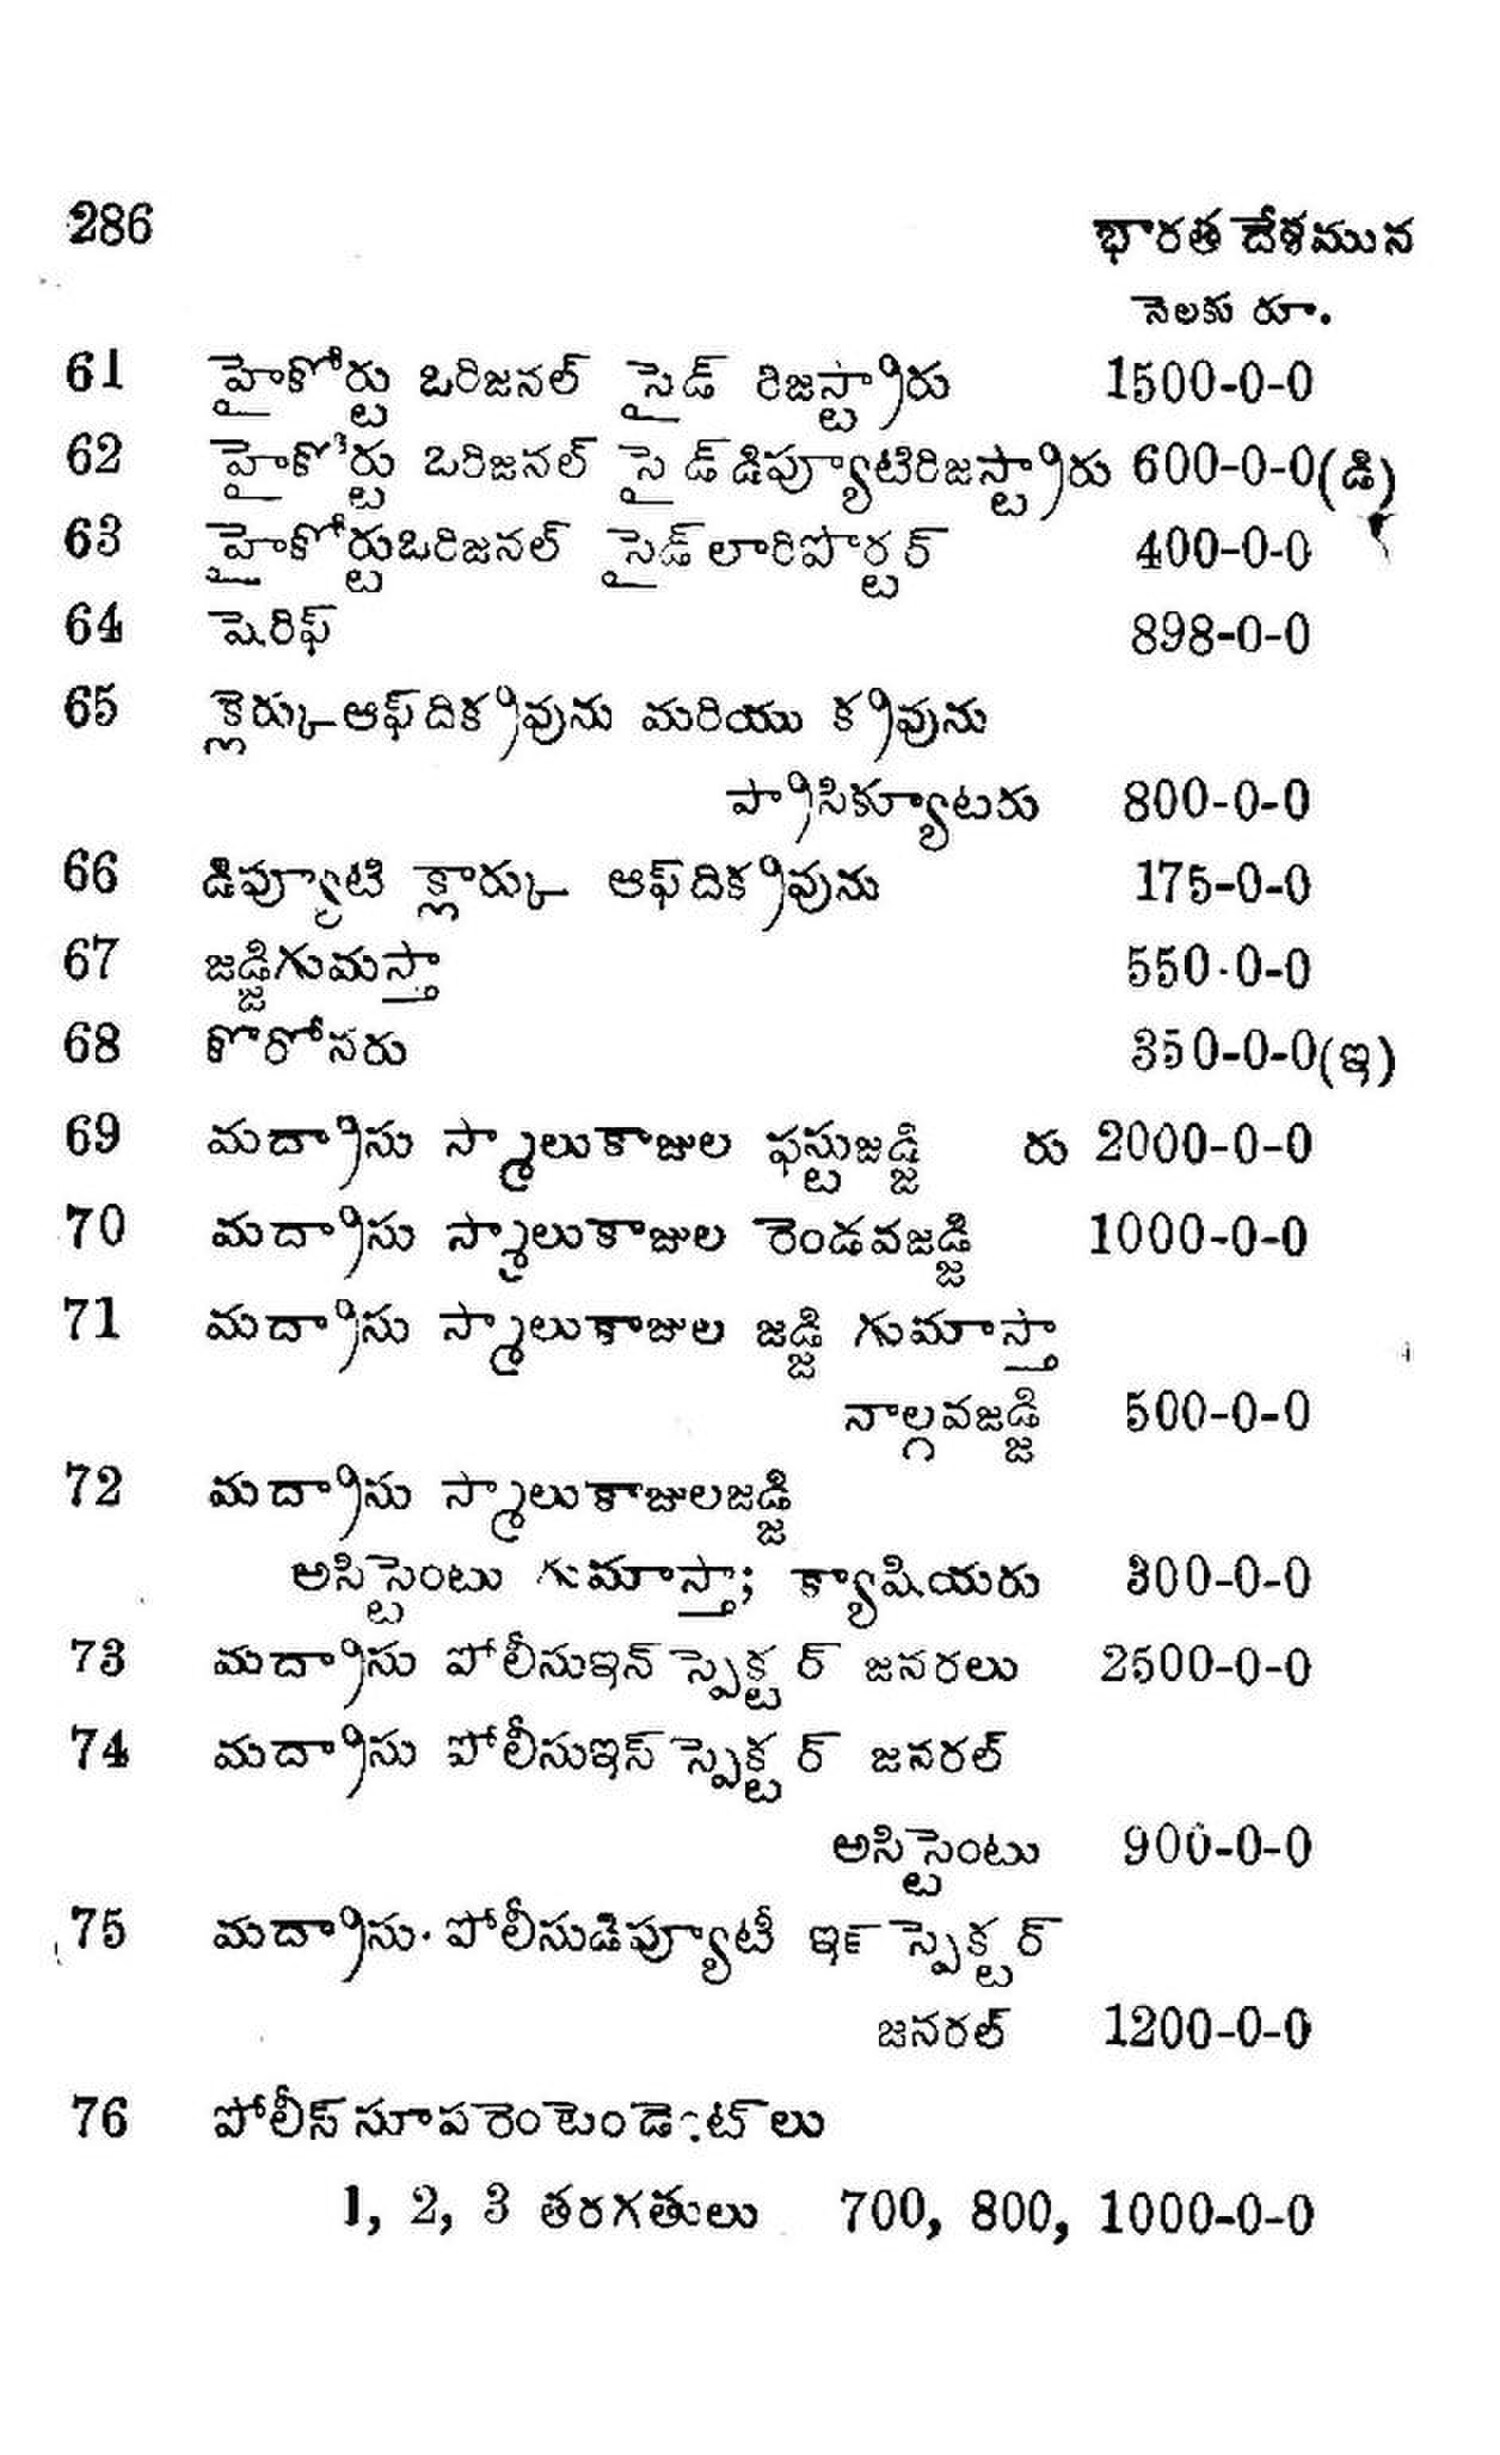61 హైకోర్టు ఒరిజనల్ సైడ్‌ రిజస్ట్రారు నెలకు రూ 1500-0-0 62 హైకోర్టు ఒరిజనల్ సైడ్ డిప్యూటిరిజష్ట్రారు 600-0-0 (డి) 63 హైకోర్టుఒరిజనల్ సైడ్ లారిపోర్టర్ 400-0-0 64 షెరిఫ్ 898-0-0 65 క్లెర్కుఆఫ్‌దిక్రవును మరియు క్రవును ప్రాసిక్యూటరు 800-0-0 66 డిప్యూటి క్లార్కు ఆఫ్‌దిక్రవును 175-0-0 67 జడ్జిగుమస్తా 550-0-0 68 కొరోనరు 350-0-0 (ఇ) 69 మద్రాసు స్మాలుకాజుల ఫస్టుజడ్జి 2000-0-0 70 మద్రాసు స్మాలుకాజుల రెండవజడ్జి 1000-0-0 71 మద్రాసు స్మాలుకాజుల జడ్జి గుమస్తా నాల్గవజడ్జి 500-0-0 72 మద్రాసు స్మాలుకాజులజడ్జి అసిస్టెంటు గుమస్తా; క్యాషియరు 300-0-0 73 మద్రాసు పోలీసుఇన్‌స్పెక్టర్ జనరలు 2500-0-0 74 మద్రాసు పోలీసుఇన్‌స్పెక్టర్ జనరల్ అసిస్టెంటు 900-0-0 75 మద్రాసు పోలీసుడిప్యూటీ ఇన్‌స్పెక్టర్ జనరల్ 1200-0-0 76 పోలీస్ సూపరెంటెండెంట్‌లు 1, 2, 3, తరగతులు 700, 800, 1000-0-0